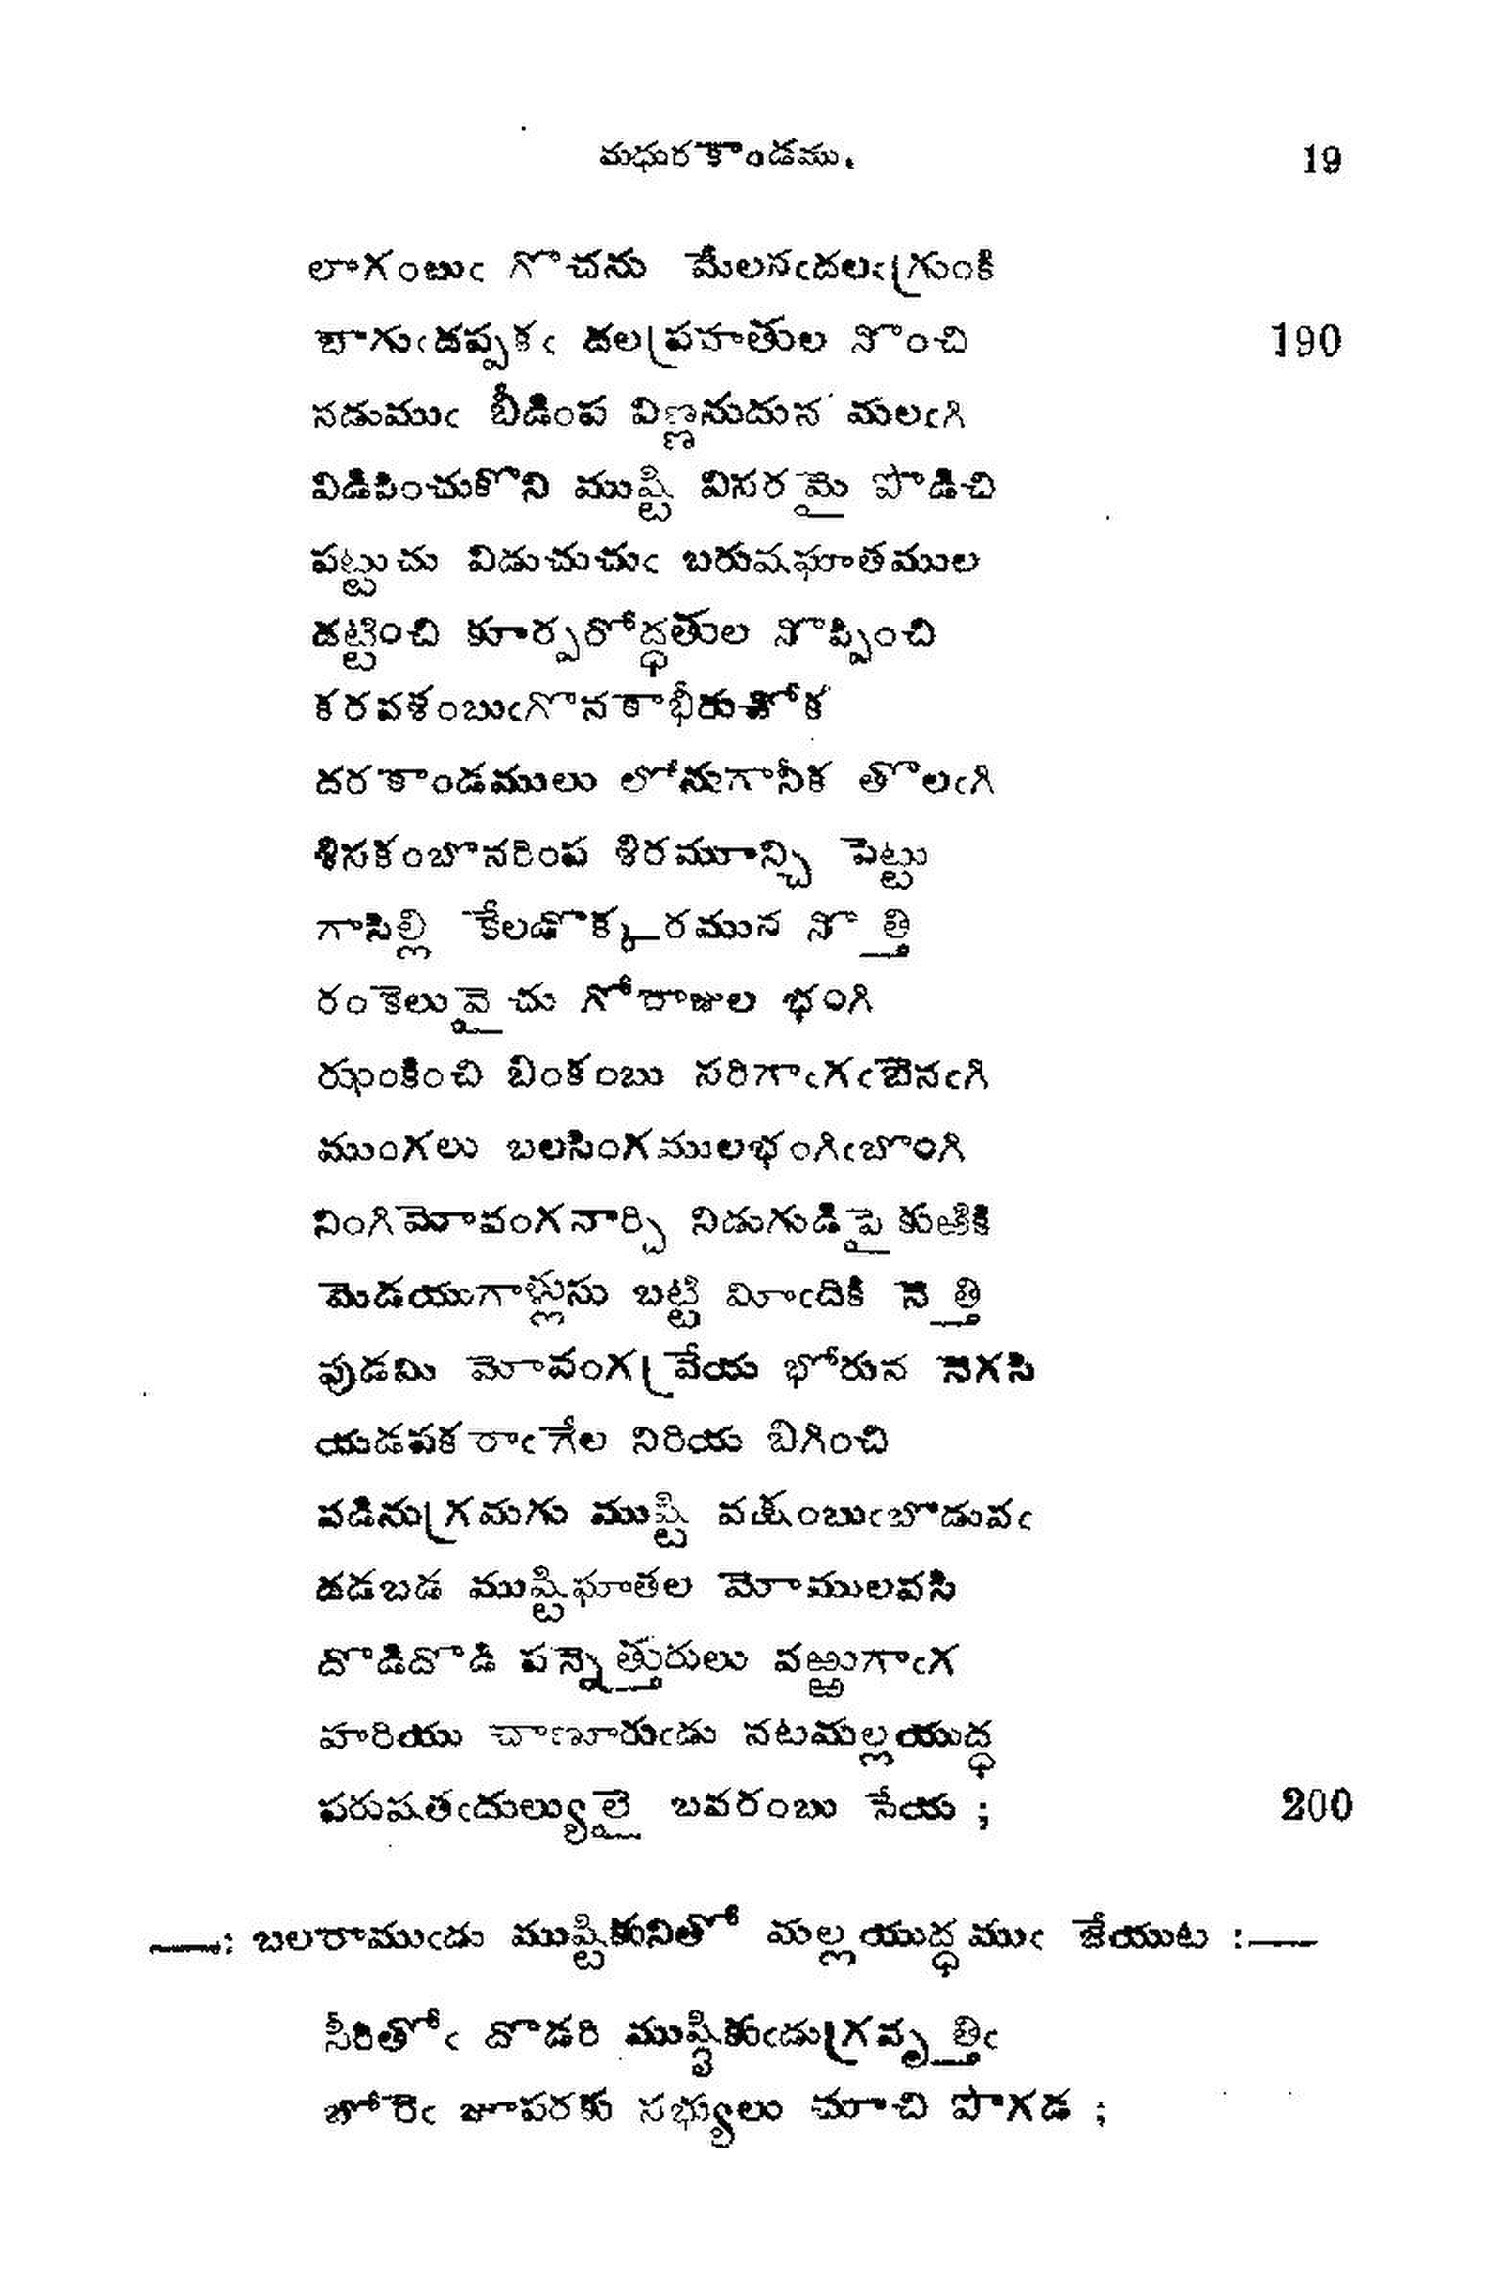లాగంబుఁ గొచను మేలనఁదలఁగ్రుంకి
బాగుఁదప్పకఁ దలప్రహతుల నొంచి
నడుముఁ బీడింప విణ్ణనుదున మలఁగి
విడిపించుకొని ముష్టి విసరమై పొడిచి
పట్టుచు విడుచుచుఁ బరుషఘాతముల
దట్టించి కూర్పరోద్ధతుల నొప్పించి
కరవశంబుఁగొన కాభీరువోక
దర కాండములు లోనుగానీక తొలఁగి
శిసకంబొనరింప శిరమూన్చి పెట్టు
గాసిల్లి కేలడొక్కరమున నొత్తి
రంకెలువైచు గోరాజుల భంగి
ఝంకించి బింకంబు సరిగాఁగఁబెనఁగి
ముంగలు బలసింగములభంగిఁబొంగి
నింగిమోవంగ నార్చి నిడుగుడి పై కుఱికి
మెడయు గాళ్లును బట్టి మీఁదికి నెత్తి
పుడమి మోవంగవ్రేయ భోరున నెగసి
యడపకరాఁగేల నిరియ బిగించి
వడి నుగ్రమగు ముష్టి వక్షంబుఁ బొడువఁ
దడబడ ముష్టిఘాతల మోములవసి
దొడిదొడి పన్నెత్తురులు వఱ్ఱుగాఁగ
హరియు చాణూరుఁడు నటమల్లయుద్ధ
పరుషతఁ దుల్యులై బవరంబు సేయ;

సీరితోఁ దొడరి ముష్టికుఁ డుగ్రవృత్తి
బోరెఁ జూపరకు సభ్యులు చూచి పొగడ;